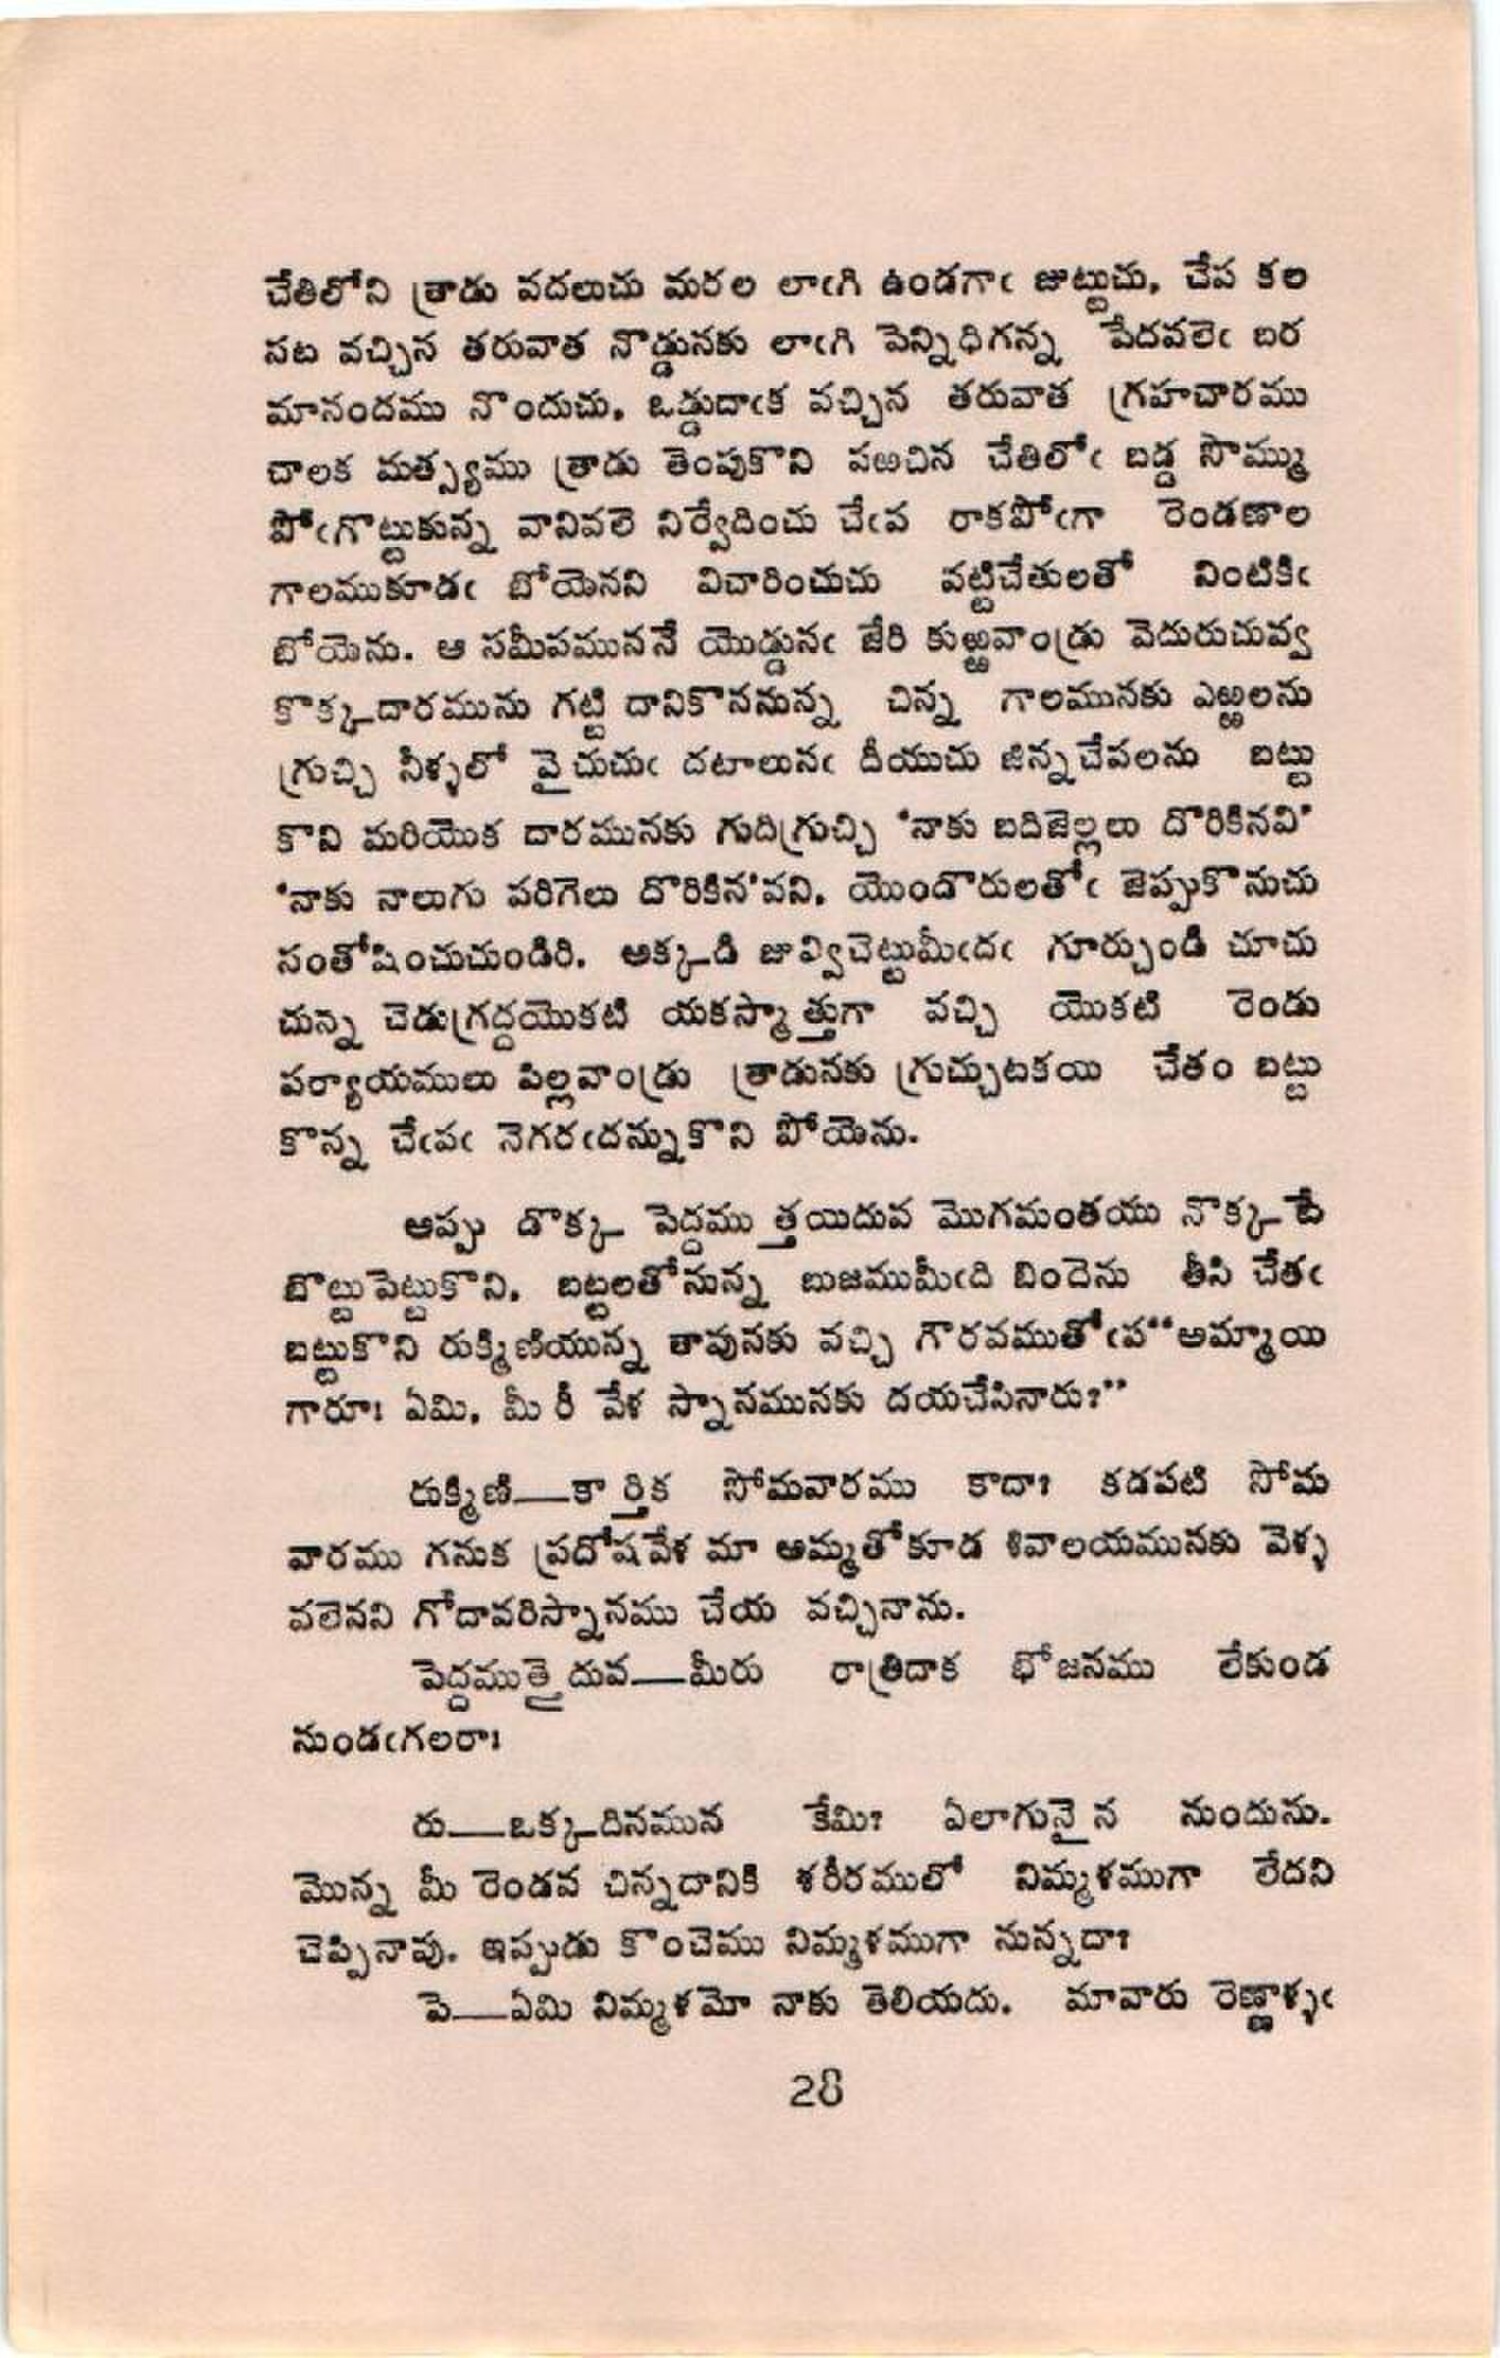చేతిలోని త్రాడు వదలుచు మరల లాగి ఉండగా జుట్టుచు, చేప కల నట వచ్చిన తరువాత నొడ్డునకు లాఁగి పెన్నిధిగన్న పేదవలెఁ బరమానందము నొందుచు, ఒడ్డుదాఁక వచ్చిన తరువాత గ్రహచారము చాలక మత్స్యము త్రాడు తెంపుకొని పఱచిన చేతిలోఁ బడ్డ సొమ్ము పోగొట్టుకున్న వానివలె నిర్వేదించు చేప రాకపోగా రెండణాల గాలము కూడఁ బోయెనని విచారించుచు వట్టిచేతులతో వింటికిఁ బోయెను. ఆ సమీపముననే యొడ్డునఁ జేరి కుఱ్ఱవాండ్రు వెదురుచువ్వ కొక్క దారమును గట్టి దానికొననున్న చిన్న గాలమునకు ఎఱ్ఱలను గ్రుచ్చి నీళ్ళలో వైచుచుఁ దటాలునఁ దీయుచు జిన్నచేపలను బట్టు కొని మరియొక దారమునకు గుదిగ్రుచ్చి 'నాకు బదిజెల్లలు దొరికినవి' 'నాకు నాలుగు పరిగెలు దొరికిన'వని, యెండొరులతోఁ జెప్పుకొనుచు సంతోషించుచుండిరి. అక్కడి జువ్విచెట్టుమీఁదఁ గూర్చుండి చూచు చున్న చెడు గ్రద్దయొకటి యకస్మాత్తుగా వచ్చి యొకటి రెండు పర్యాయములు పిల్లవాండ్రు త్రాడునకు గ్రుచ్చుటకయు చేతం బట్టు కొన్న చేపఁ నెగరఁదన్నుకొని పోయెను.

ఆప్పుడొక్క పెద్దముత్తయిదువ మొగమంతయు నొక్కటే బొట్టుపెట్టుకొని, బట్టలతోనున్న బుజముమీఁది బిందెను తీసి చేతఁ బట్టుకొని రుక్మిణియున్న తావునకు వచ్చి గౌరవముతోఁ ప"అమ్మాయి గారూ! ఏమి, మీరీ వేళ స్నానమునకు దయచేసినారు?"

రుక్మిణి__కార్తిక సోమవారము కాదా? కడపటి సోమ వారము గనుక ప్రదోష వేళ మా ఆమ్మతోకూడ శివాలయమునకు వెళ్ళ వలెనని గోదావరిస్నానము చేయ వచ్చినాను.

పెద్దముత్తైదువ__మీరు రాత్రిదాక భోజనము లేకుండ నుండఁగలరా!

రు__ఒక్కదినమున కేమి? ఏలాగునై న నుందును. మొన్న మీ రెండవ చిన్నదానికి శరీరములో నిమ్మళముగా లేదని చెప్పినావు. ఇప్పడు కొంచెము నిమ్మళముగా నున్నదా?

పె__ఏమి నిమ్మళమో నాకు తెలియదు. మావారు రెణ్ణాళ్ళఁ